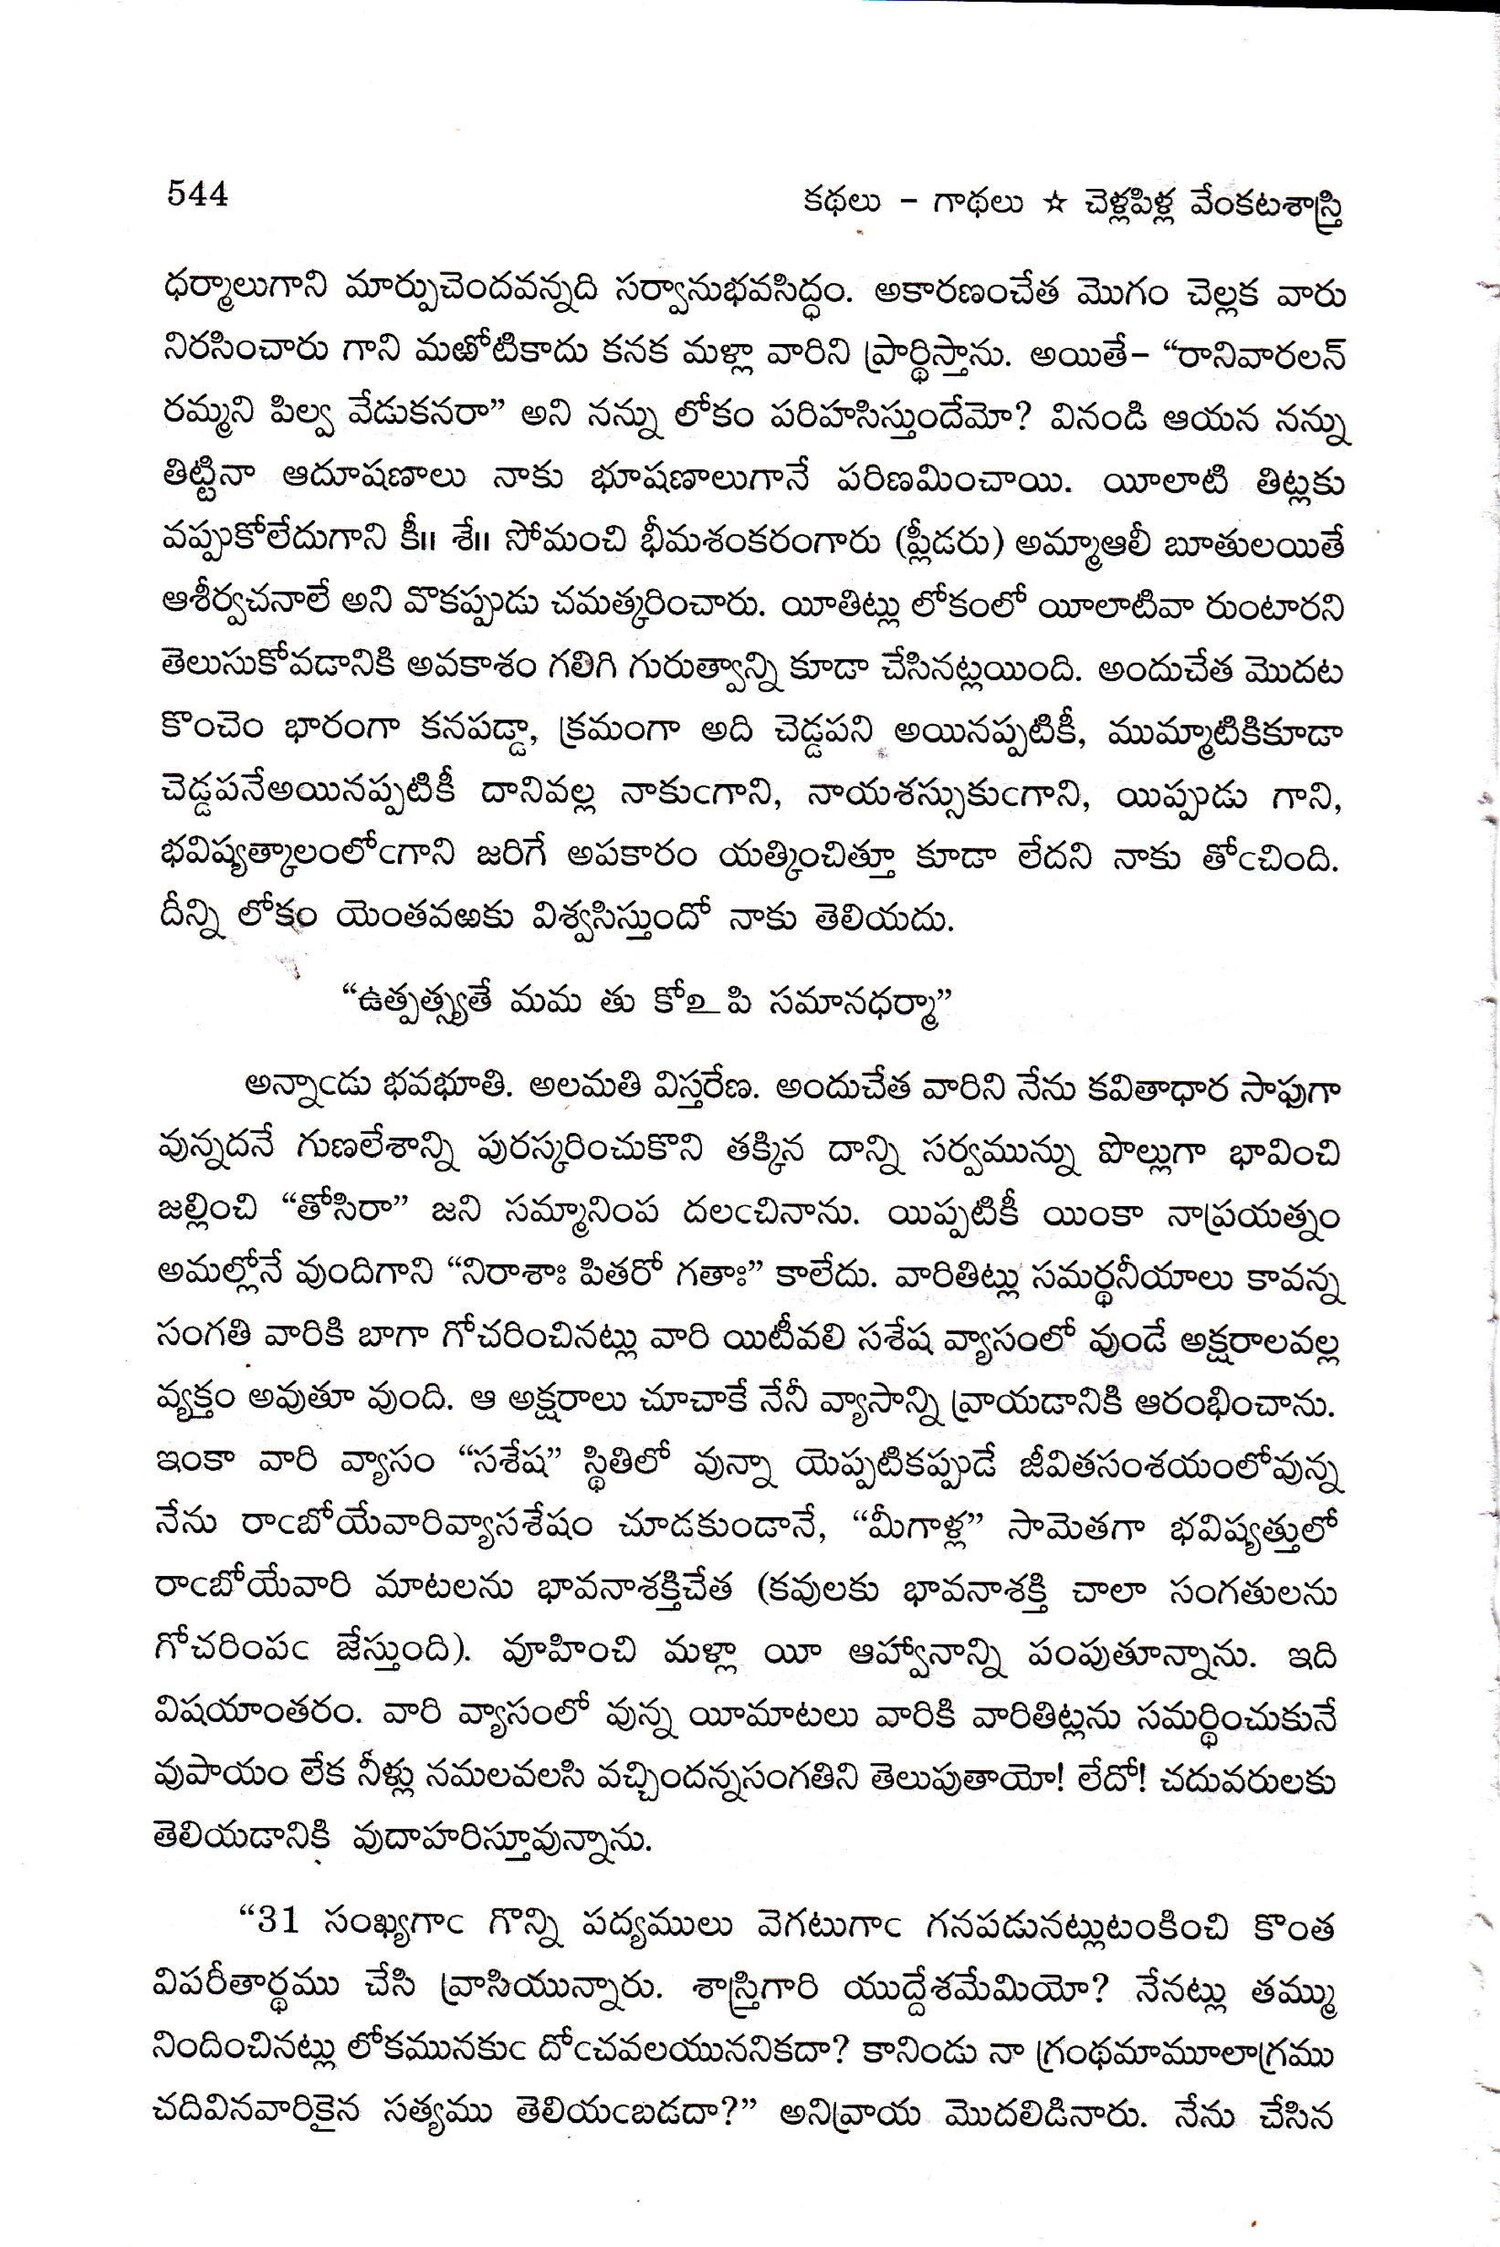ధర్మాలుగాని మార్పుచెందవన్నది సర్వానుభవసిద్ధం. అకారణంచేత మొగం చెల్లక వారు నిరసించారు గాని మఱోటికాదు కనక మళ్లా వారిని ప్రార్ధిస్తాను. అయితే - “రానివారలన్ రమ్మని పిల్వ వేడుకనరా" అని నన్ను లోకం పరిహసిస్తుందేమో? వినండి ఆయన నన్ను తిట్టినా ఆదూషణాలు నాకు భూషణాలుగానే పరిణమించాయి. యీలాటి తిట్లకు వప్పుకోలేదుగాని కీ|| శే|| సోమంచి భీమశంకరంగారు (ప్లీడరు) అమ్మాఆలీ బూతులయితే
ఆశీర్వచనాలే అని వొకప్పుడు చమత్కరించారు. యీతిట్లు లోకంలో యీలాటివా రుంటారని తెలుసుకోవడానికి అవకాశం గలిగి గురుత్వాన్ని కూడా చేసినట్లయింది. అందుచేత మొదట కొంచెం భారంగా కనపడ్డా, క్రమంగా అది చెడ్డపని అయినప్పటికీ, ముమ్మాటికికూడా చెడ్డపనేఅయినప్పటికీ దానివల్ల నాకుఁగాని, నాయశస్సుకుఁగాని, యిప్పుడు గాని, భవిష్యత్కాలంలోఁగాని జరిగే అపకారం యత్మించిత్తూ కూడా లేదని నాకు తోcచింది. దీన్ని లోకం యెంతవఱకు విశ్వసిస్తుందో నాకు తెలియదు.

“ఉత్పత్స్యతే మమ తు కో౽పి సమానధర్మా"
అన్నాఁడు భవభూతి. అలమతి విస్తరేణ. అందుచేత వారిని నేను కవితాధార సాఫుగా వున్నదనే గుణలేశాన్ని పురస్కరించుకొని తక్కిన దాన్ని సర్వమున్ను పొల్లుగా భావించి జల్లించి “తోసిరా” జని సమ్మానింప దలఁచినాను. యిప్పటికీ యింకా నాప్రయత్నం అమల్లోనే వుందిగాని “నిరాశాః పితరో గతాః" కాలేదు. వారితిట్లు సమర్థనీయాలు కావన్న సంగతి వారికి బాగా గోచరించినట్లు వారి యిటీవలి సశేష వ్యాసంలో వుండే అక్షరాలవల్ల వ్యక్తం అవుతూ వుంది. ఆ అక్షరాలు చూచాకే నేనీ వ్యాసాన్ని వ్రాయడానికి ఆరంభించాను. ఇంకా వారి వ్యాసం “సశేష" స్థితిలో వున్నా యొప్పటికప్పుడే జీవితసంశయంలోవున్న నేను రాఁబోయేవారివ్యాసశేషం చూడకుండానే, “మీగాళ్ల" సామెతగా భవిష్యత్తులో రాఁబోయేవారి మాటలను భావనాశక్తిచేత (కవులకు భావనాశక్తి చాలా సంగతులను గోచరింపఁ జేస్తుంది). వూహించి మళ్లా యీ ఆహ్వానాన్ని పంపుతూన్నాను. ఇది విషయాంతరం. వారి వ్యాసంలో వున్న యీమాటలు వారికి వారితిట్లను సమర్థించుకునే వుపాయం లేక నీళ్లు నమలవలసి వచ్చిందన్నసంగతిని తెలుపుతాయో! లేదో! చదువరులకు తెలియడానికి వుదాహరిస్తూవున్నాను.

“31 సంఖ్యగాఁ గొన్ని పద్యములు వెగటుగాఁ గనపడునట్లుటంకించి కొంత విపరీతార్ధము చేసి వ్రాసియున్నారు. శాస్త్రిగారి యుద్దేశమేమియో? నేనట్లు తమ్ము నిందించినట్లు లోకమునకుఁ దోఁచవలయుననికదా? కానిండు నా గ్రంథమామూలాగ్రము చదివినవారికైన సత్యము తెలియఁబడదా?” అని వ్రాయ మొదలిడినారు. నేను చేసిన